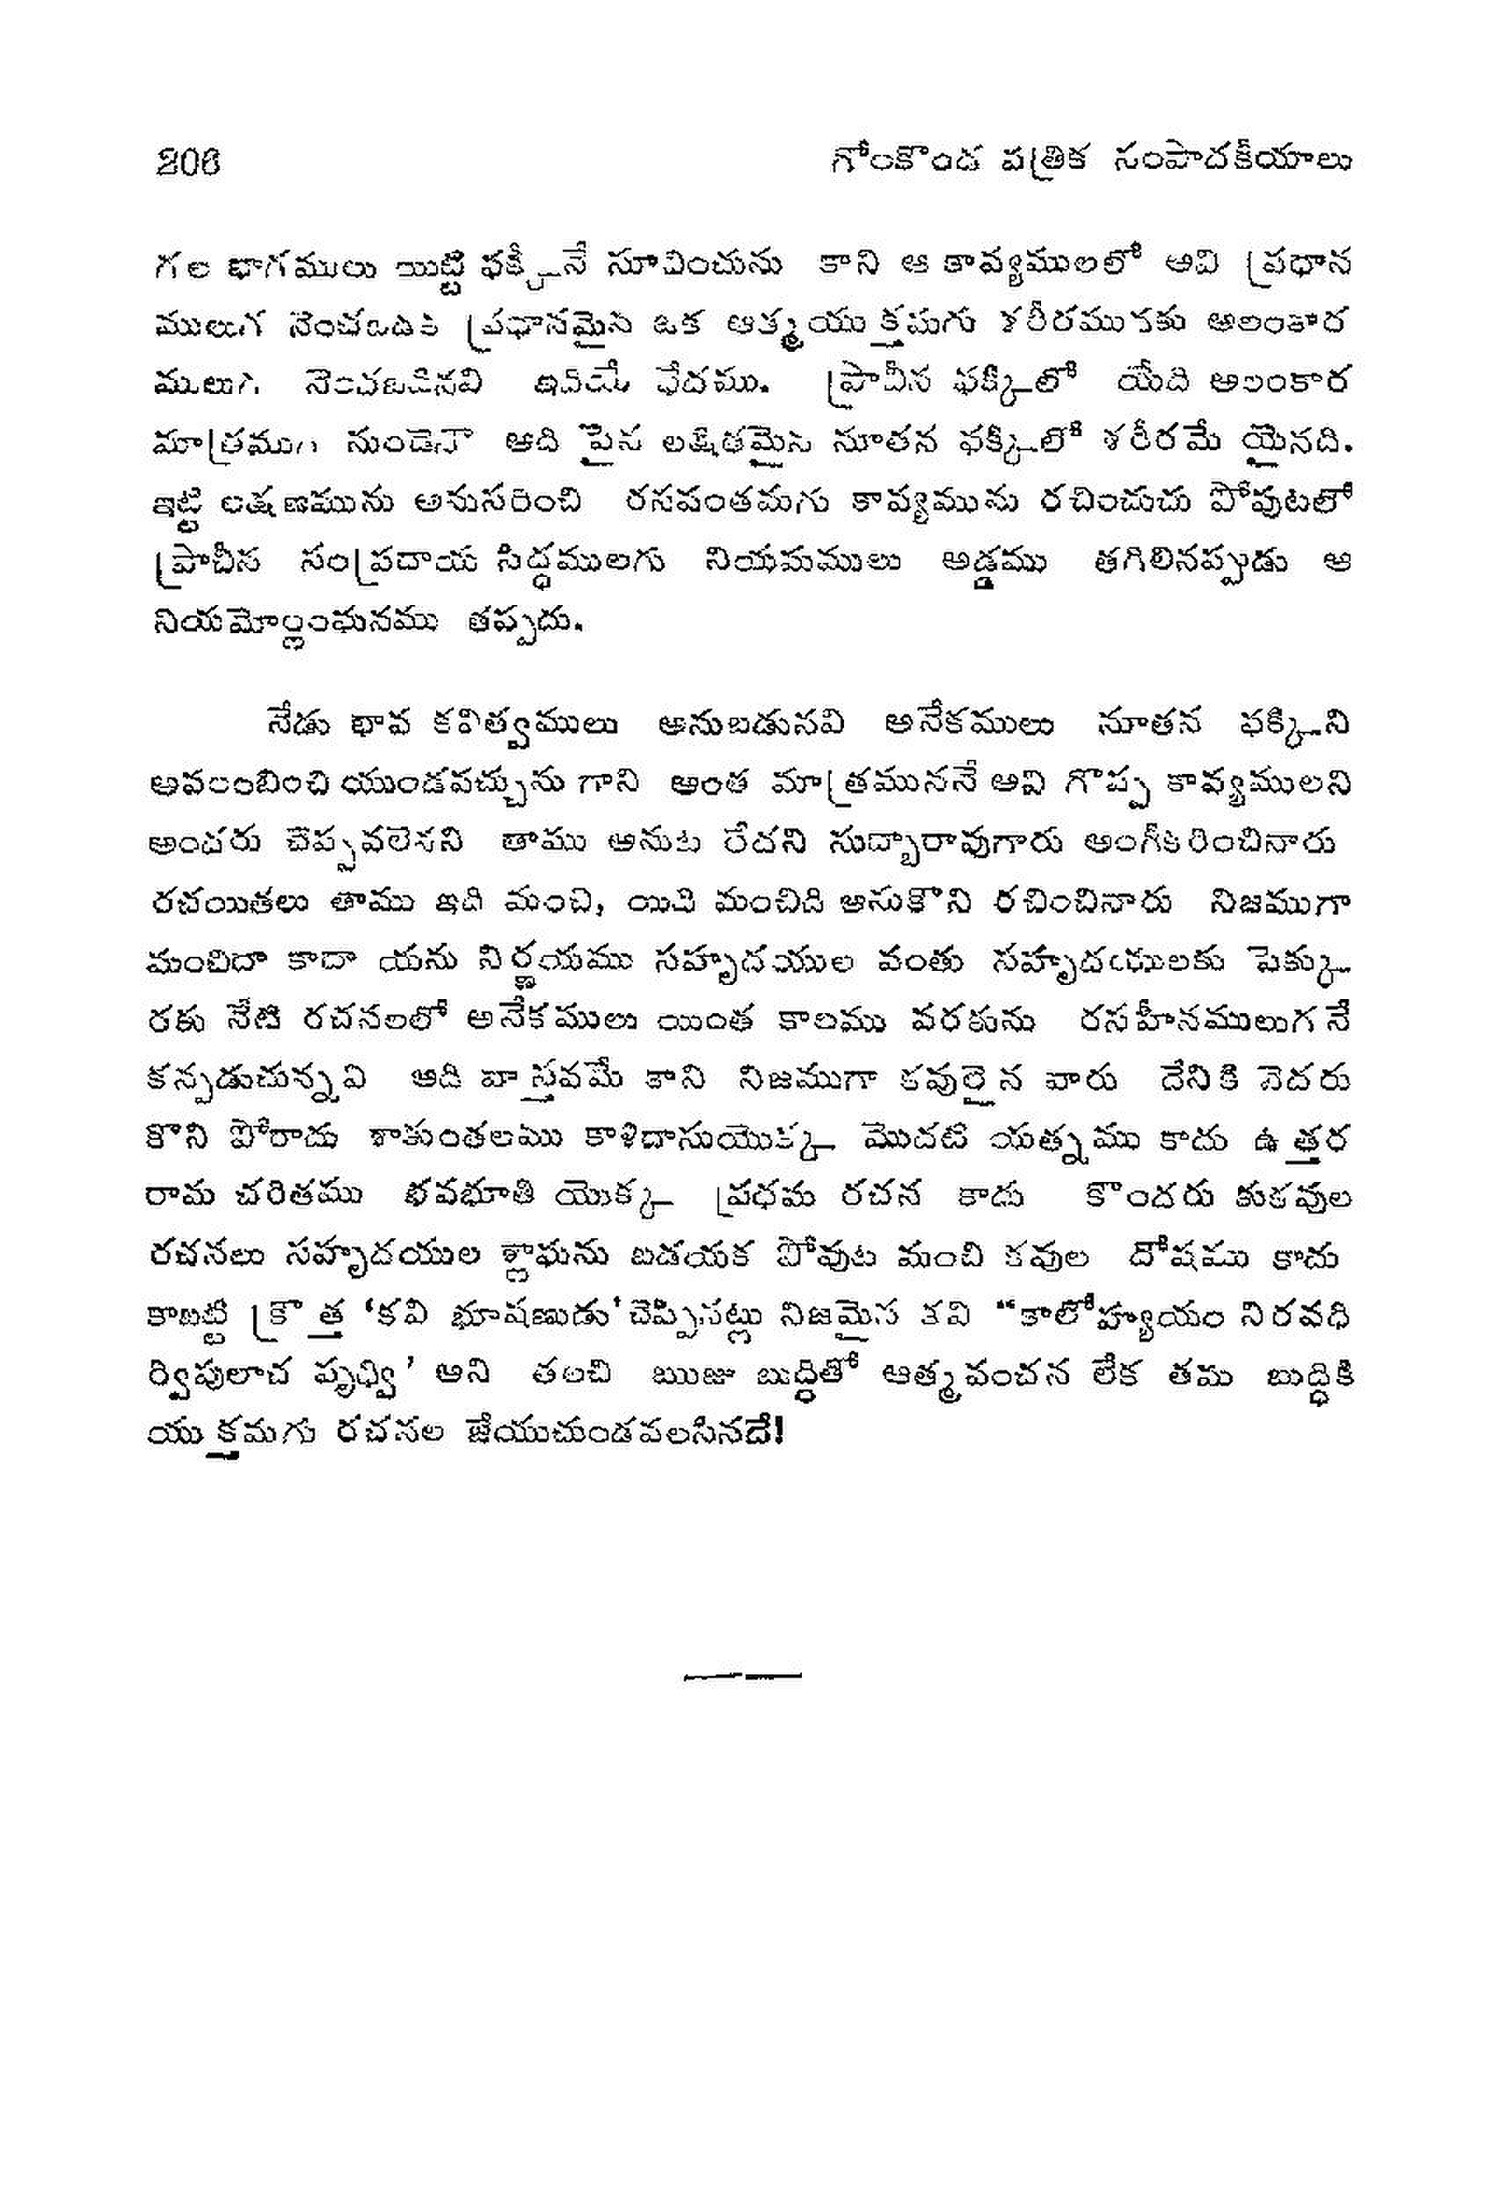గల భాగములు యిట్టి ఫక్కీనే సూచించును కాని ఆ కావ్యములలో అవి ప్రధానములుగ నెంచబడక ప్రధానమైన ఒక ఆత్మయుక్తమగు శరీరమునకు అలంకారములుగ నెంచబడినవి ఇదియే భేదము. ప్రాచీన ఫక్కిలో యేది అలంకార మాత్రముగా నుండెనొ అది పైన లక్షితమైన నూతన ఫక్కిలో శరీరమే యైనది. ఇట్టి లక్షణమును అనుసరించి రసవంతమగు కావ్యమును రచించుచు పోవుటలో ప్రాచీన సంప్రదాయ సిద్ధములగు నియమములు అడ్డము తగిలినప్పుడు ఆ నియమోల్లంఘనము తప్పదు.

నేడు భావ కవిత్వములు అనుబడునవి అనేకములు నూతన పక్కిని అవలంబించి యుండవచ్చును గాని అంత మాత్రముననే అవి గొప్ప కావ్యములని అందరు చెప్పవలెనని తాము అనుట లేదని సుబ్బారావుగారు అంగీకరించినారు రచయితలు తాము ఇది మంచి, యిది మంచిది ఆనుకొని రచించినారు నిజముగా మంచిదా కాదా యను నిర్ణయము సహృదయుల వంతు సహృదయులకు పెక్కురకు నేటి రచనలలో అనేకములు యింత కాలము వరకును రసహీనములుగనే కన్పడుచున్నవి. అది వాస్తవమే కాని నిజముగా కవులైన వారు దేనికి నెదరు కొని పోరాదు శాకుంతలము కాళిదాసుయొక్క మొదటి యత్నము కాదు ఉత్తర రామ చరితము భవభూతి యొక్క ప్రధమ రచన కాదు కొందరు కుకవుల రచనలు సహృదయుల శ్లాఘను బడయక పోవుట మంచి కవుల దోషము కాదు కాబట్టి క్రొత్త 'కవి భూషణుడు' చెప్పినట్లు నిజమైన కవి “కాలోహ్యయం నిరవధి ర్విపులాచ పృధ్వి ' అని తలచి ఋజు బుద్ధితో ఆత్మవంచన లేక తమ బుద్ధికి యుక్తమగు రచనల జేయుచుండవలసినదే!